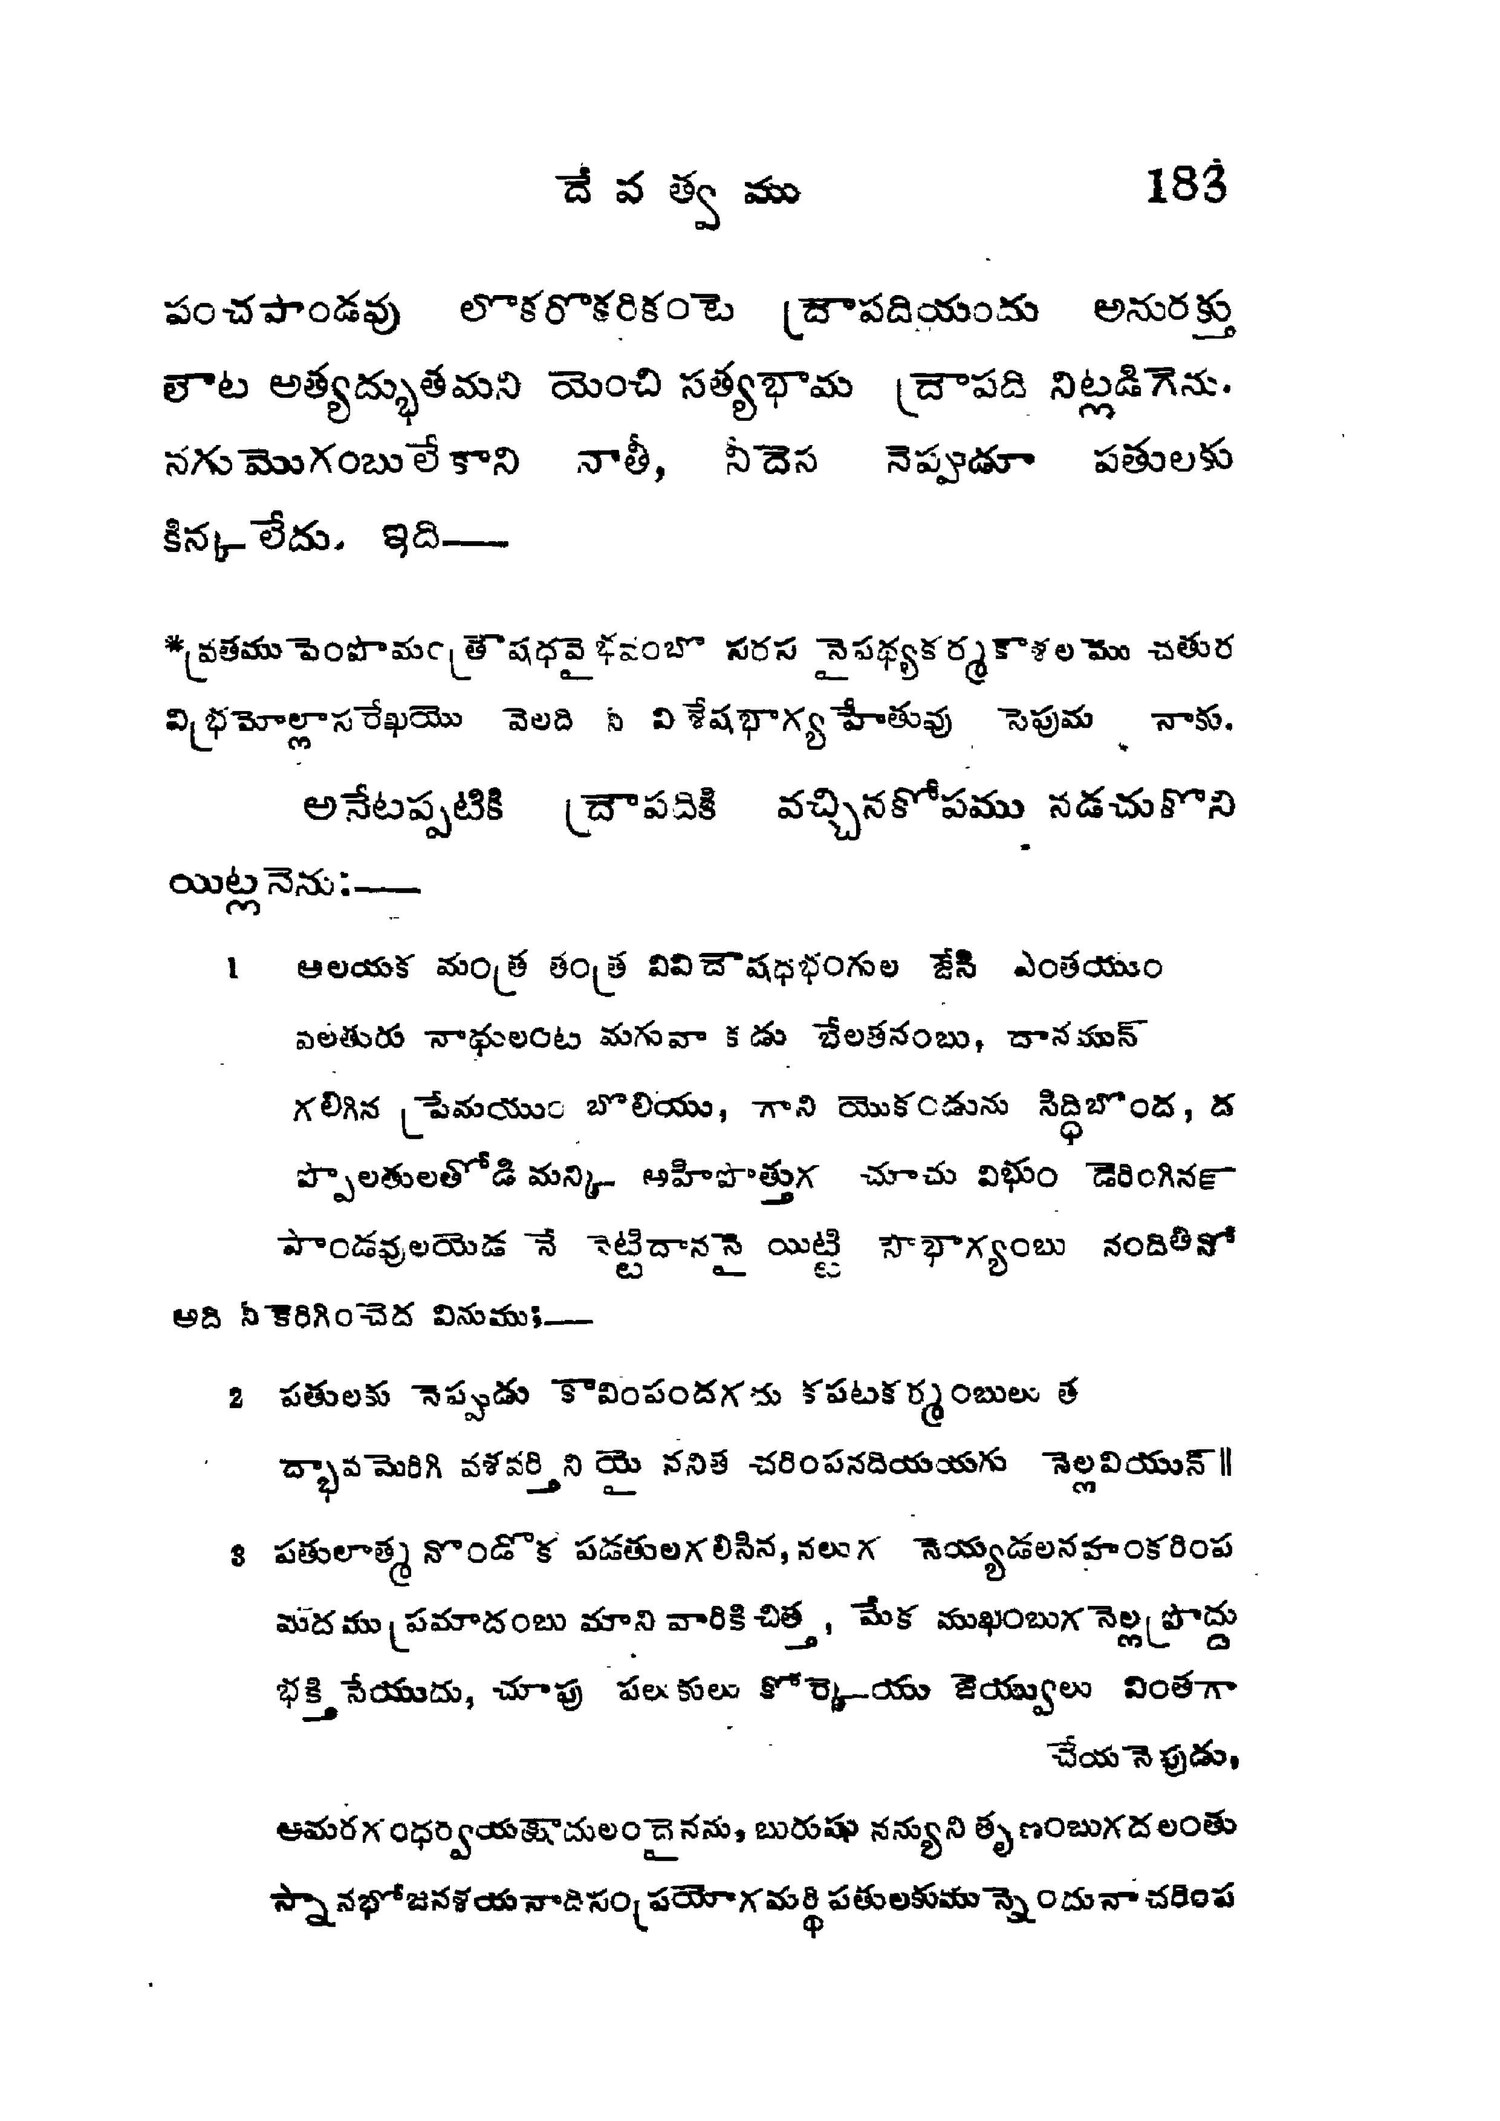పంచపాండవు లొకరొకరికంటె ద్రౌపదియందు అనురక్తులౌట అత్యద్భుతమని యెంచి సత్యభామ ద్రౌపది నిట్లడిగెను. నగుమొగంబులేకాని నాతీ, నీదెస నెప్పుడూ పతులకు కిన్క లేదు. ఇది -

 *వ్రతము పెంపొమంత్రౌషధవైభవంబొ సరస నైపథ్యకర్మకౌశలమొ చతుర
 విభ్రమోల్లాసరేఖయొ వెలది నీ విశేషభాగ్య హేతువు సెపుమ నాకు.

అనేటప్పటికి ద్రౌపదికి వచ్చినకోపము నడచుకొని యిట్లనెను : _

 1. అలయక మంత్ర తంత్ర వివిదౌషధభంగుల జేసి ఎంతయుం
 వలతురు నాథులంట మగువా కడు బేలతనంబు, దానమున్
 గలిగిన ప్రేమయుం బొలియు, గాని యొకండును సిద్ధిబొంద, ద
 ప్పొలతులతోడి మన్కి అహిపొత్తుగ చూచు విభుం డెరింగినన్
 పాండవులయెడ నే నెట్టిదాననై యిట్టి సౌభాగ్యంబు నందితినో

అది నీ కెరిగించెద వినుము : _

 2. పతులకు నెప్పుడు కావింపందగదు కపటకర్మంబులు త
 ద్భావ మెరిగి వశవర్తినియై వనిత చరింపనదియయగు నెల్లవియున్||

 3. పతులాత్మ నొండొక పడతులగలిసిన, నలుగ నెయ్యడలనహంకరింప
 మదముప్రమాదంబు మాని వారికిచిత్త, మేక ముఖంబుగ నెల్లప్రొద్దు
 భక్తి సేయుదు, చూపు పలుకులు కోర్కెయు జెయ్వులు వింతగా చేయ సెపుడు.
 అమరగంధర్వయక్షాదులందైనను, బురుషు నన్యుని తృణంబుగదలంతు
 స్నానభోజనశయనాదిసంప్రయోగమర్థి పతులకుమున్నెందునాచరింప